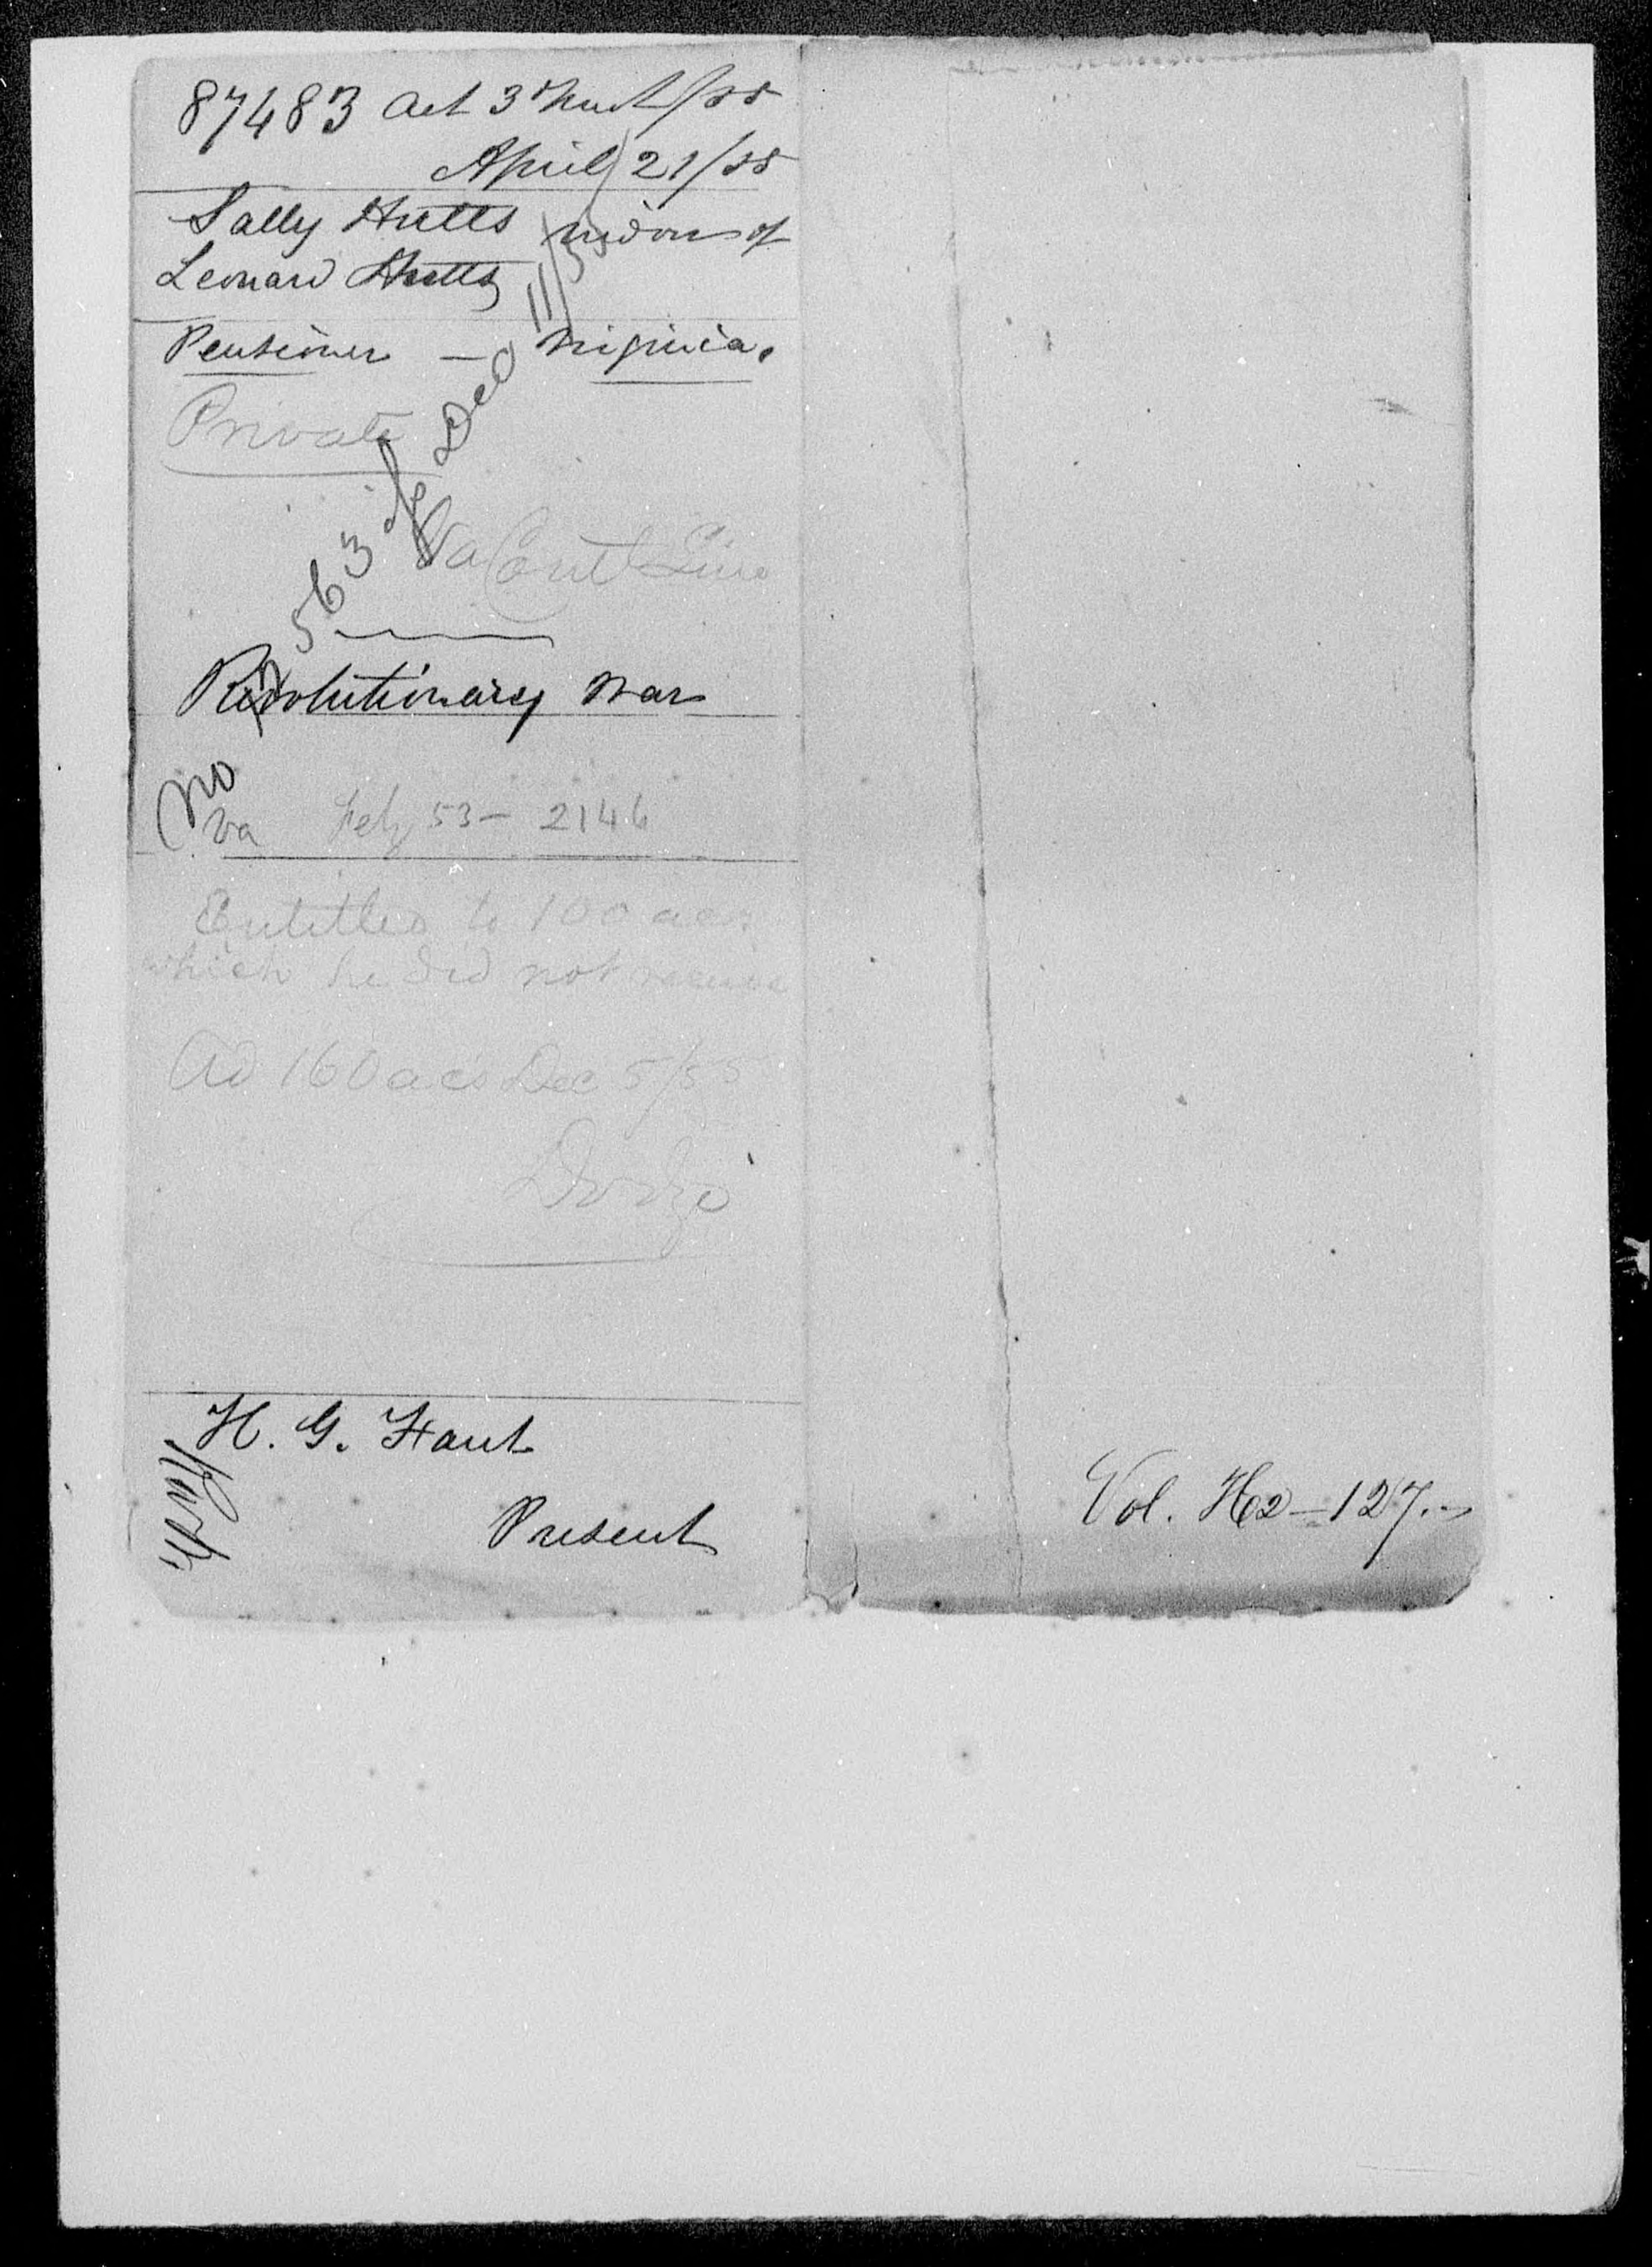87483 Act 3 March [Illegible] 
April 21/20

Sally Hutts widow of
Leonard Hutts
Pensioner – [Illegible] 
Private 
Va Cont Line
Revolutionary War
No Va Feby 53 – 2146
Entitled to 100 at which he did not receive
At 160 acres Dec 5/55
[written through form – 563 of Dec 11/55]

H. G. Haul
Present
Vol. H2 – 12/7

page: 4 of 33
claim: widow's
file: W. 550, for Leonard Hutts, Virginia